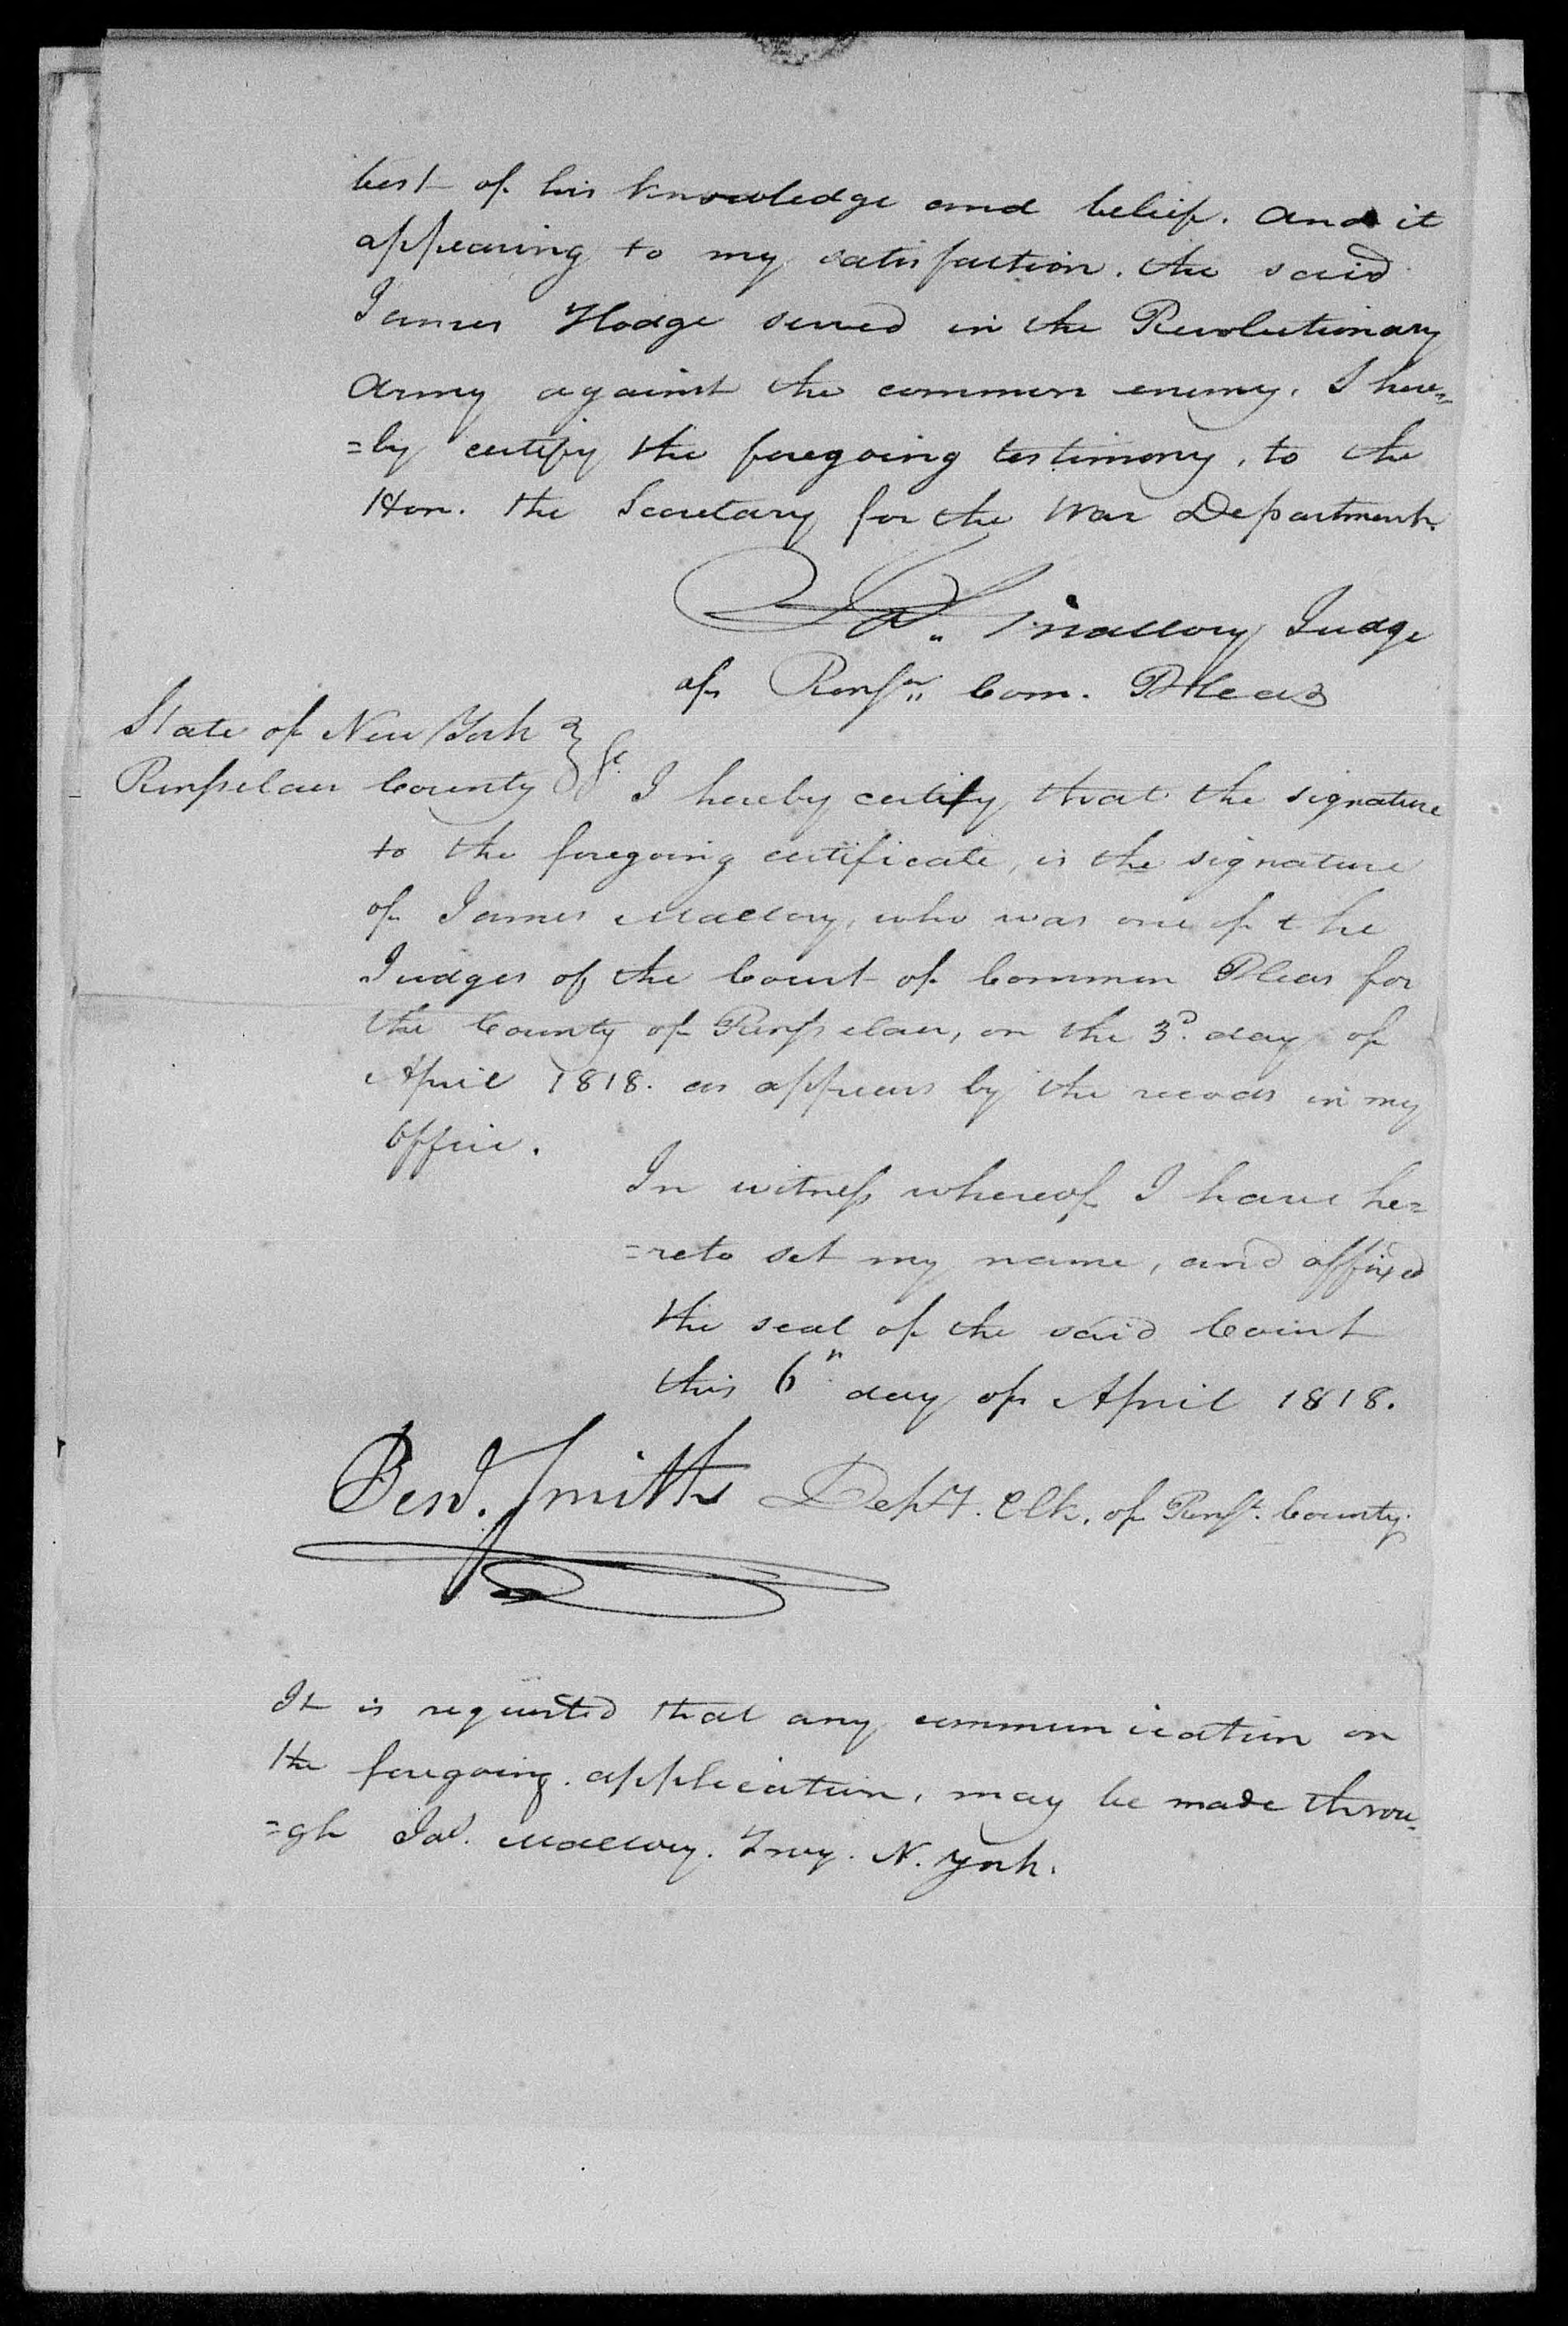best of his knowledge and belief. And it of learning to my satisfaction. We said James hodge served in the Revolutionary Army against the common enemy. I here by certify the foregoing testimony to the Hon. the Secretary for the War Department.

Mallory Judge of Rens Com Pleas

State of New York
Rensselaer County
I hereby certify that the signature to the foregoing certificate is the signatures of James Mallory who was one of the judges of the Count of Common Pleas for the County of Rensselaer on the 3rd day of April 1818. officers by the records in my office
In witness whereof I have hereto set my name and affixed the seal of the scrid court this 6th day of April 1818.

Ben Smith dept Clk of Rens Count

It is requested that any communication on the foregoing affiliation may be made through Id [illegible] N. York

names: James Mallory, Jas Mallory, Ben Smith, Jas Mallory, James Hodge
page: 30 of 48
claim: widow's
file: W. 10476, James Hodge, New York